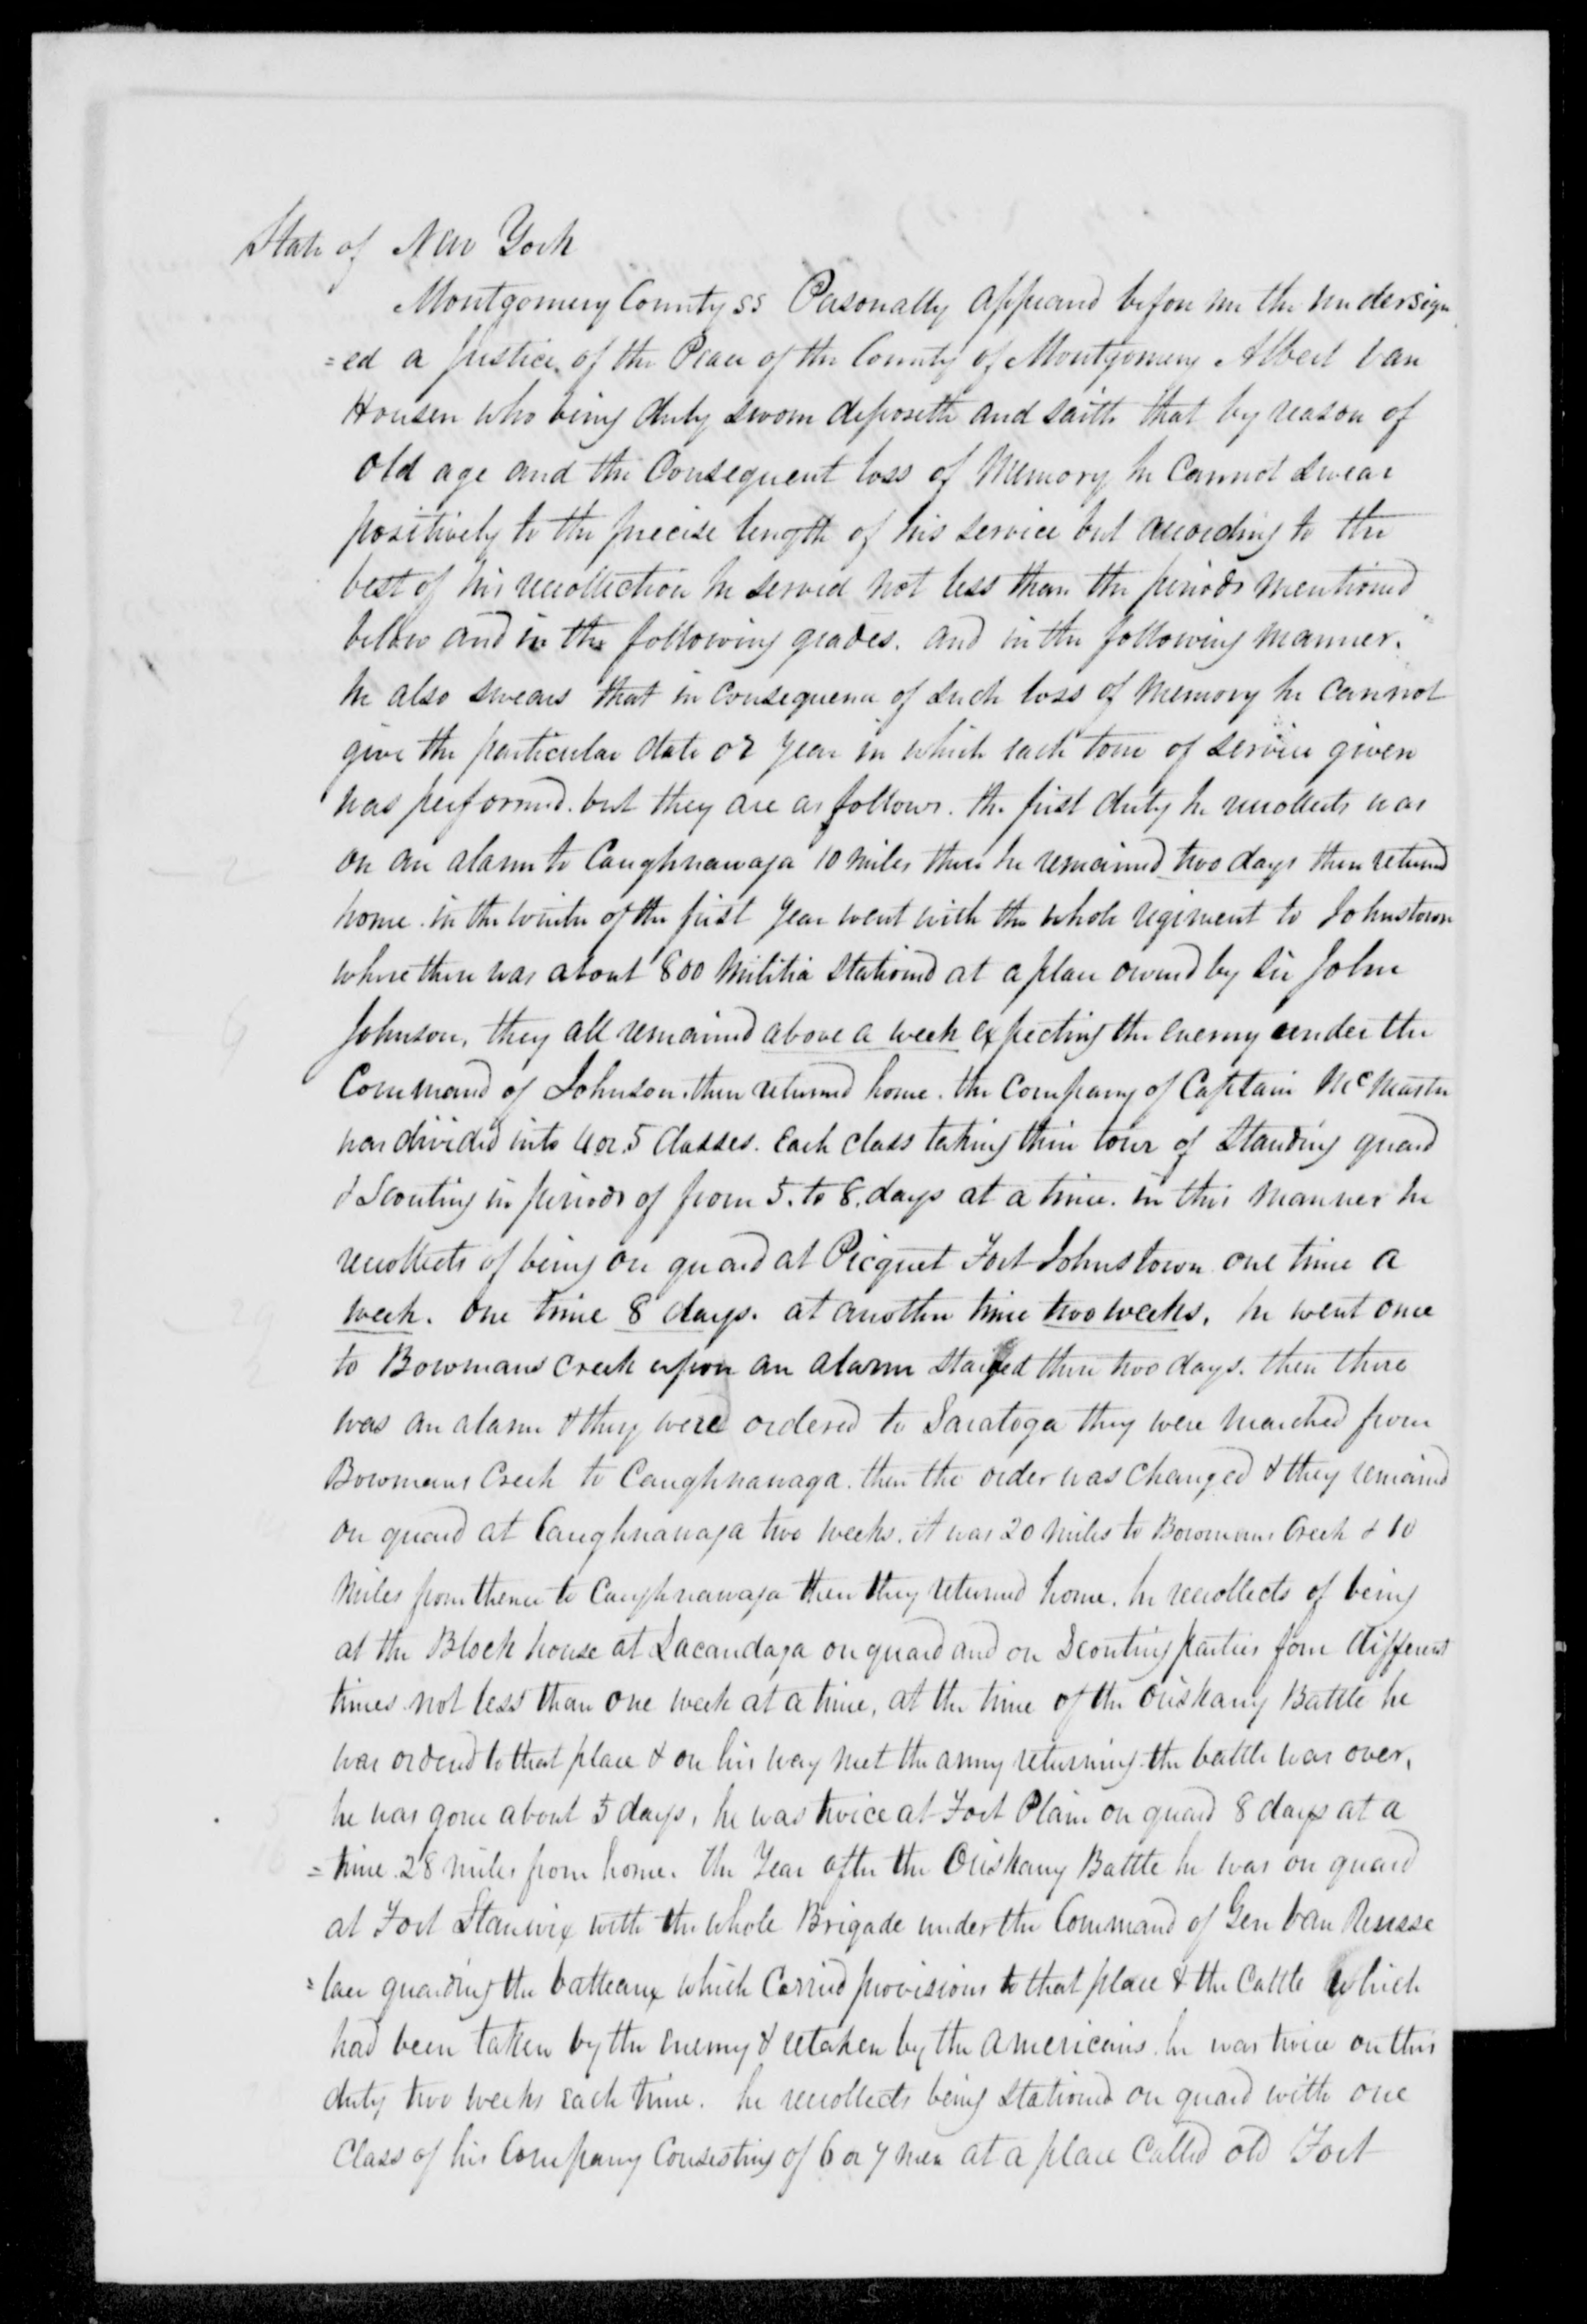State of New York 
Montgomery County ss  Personally appeared before me the undersigned a Justice of the Peace of the County of Montgomery Albert Van Housen who being duly sworn deposeth and saith that by reason of old age and the consequent loss of memory he cannot swear positively to the precise length of his service but according to the best of his recollection he served not less than the periods mentioned below and in the following grades, and in the following manner. he also swears that in consequence of such loss of memory he cannot give the particular date or year in which each tour of service given was performed, but they are as follows. the first duty he recollects was on an alarm to Caughnawaga 10 miles there he remained two days then returned home in the winter of the first year went with the whole regiment to Johnstown where there was about 800 Militia stationed at a place owned by Sir John Johnson, they all remained above a week expecting the enemy under the command of Johnson, then returned home. the company of Captain McMaster was divided into 4 or 5 classes, each class taking their tour of standing guard & scouting in periods of from 5 to 8 days at a time, in this manner he recollects of being on guard at Picquet Fort Johnstown one time a week. One time 8 days at another time two weeks, he went once to Bowmans Creek upon an alarm stayed there two days then there was an alarm & they were ordered to Saratoga they were marched from Bowmans Creek to Caughnawaga, then the order was changed & they remained on guard at Caughnawaga two weeks, it was 20 miles to Bowmans Creek & 10 miles from thence to Caughnawaga then they returned home, he recollects of being at the Block house at Sacandaga on guard and on scouting parties four different times not less than one week at a time, at the time of the Oriskany Battle he was ordered to that place & on his way met the army returning the battle was over. he was gone about 5 days, he was twice at Fort Plain on guard 8 days at a time 28 miles from home. the year after the Oriskany Battle he was on guard at Fort Stanwix with the whole Brigade under the command of Gen Van Rensselaer guarding the batteaux which carried provisions to that place & the cattle which had been taken by the enemy & retaken by the Americans he was twice on this duty two weeks each time, he recollects being stationed on guard with one class of his company consisting of 6 or 7 men at a place called old Fort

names: Johnson, Albert Van Housen, John Johnson, Van Rensselaer, Mc Master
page: 56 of 57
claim: survivor's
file: S. 28,925, Albert Van Housen, New York